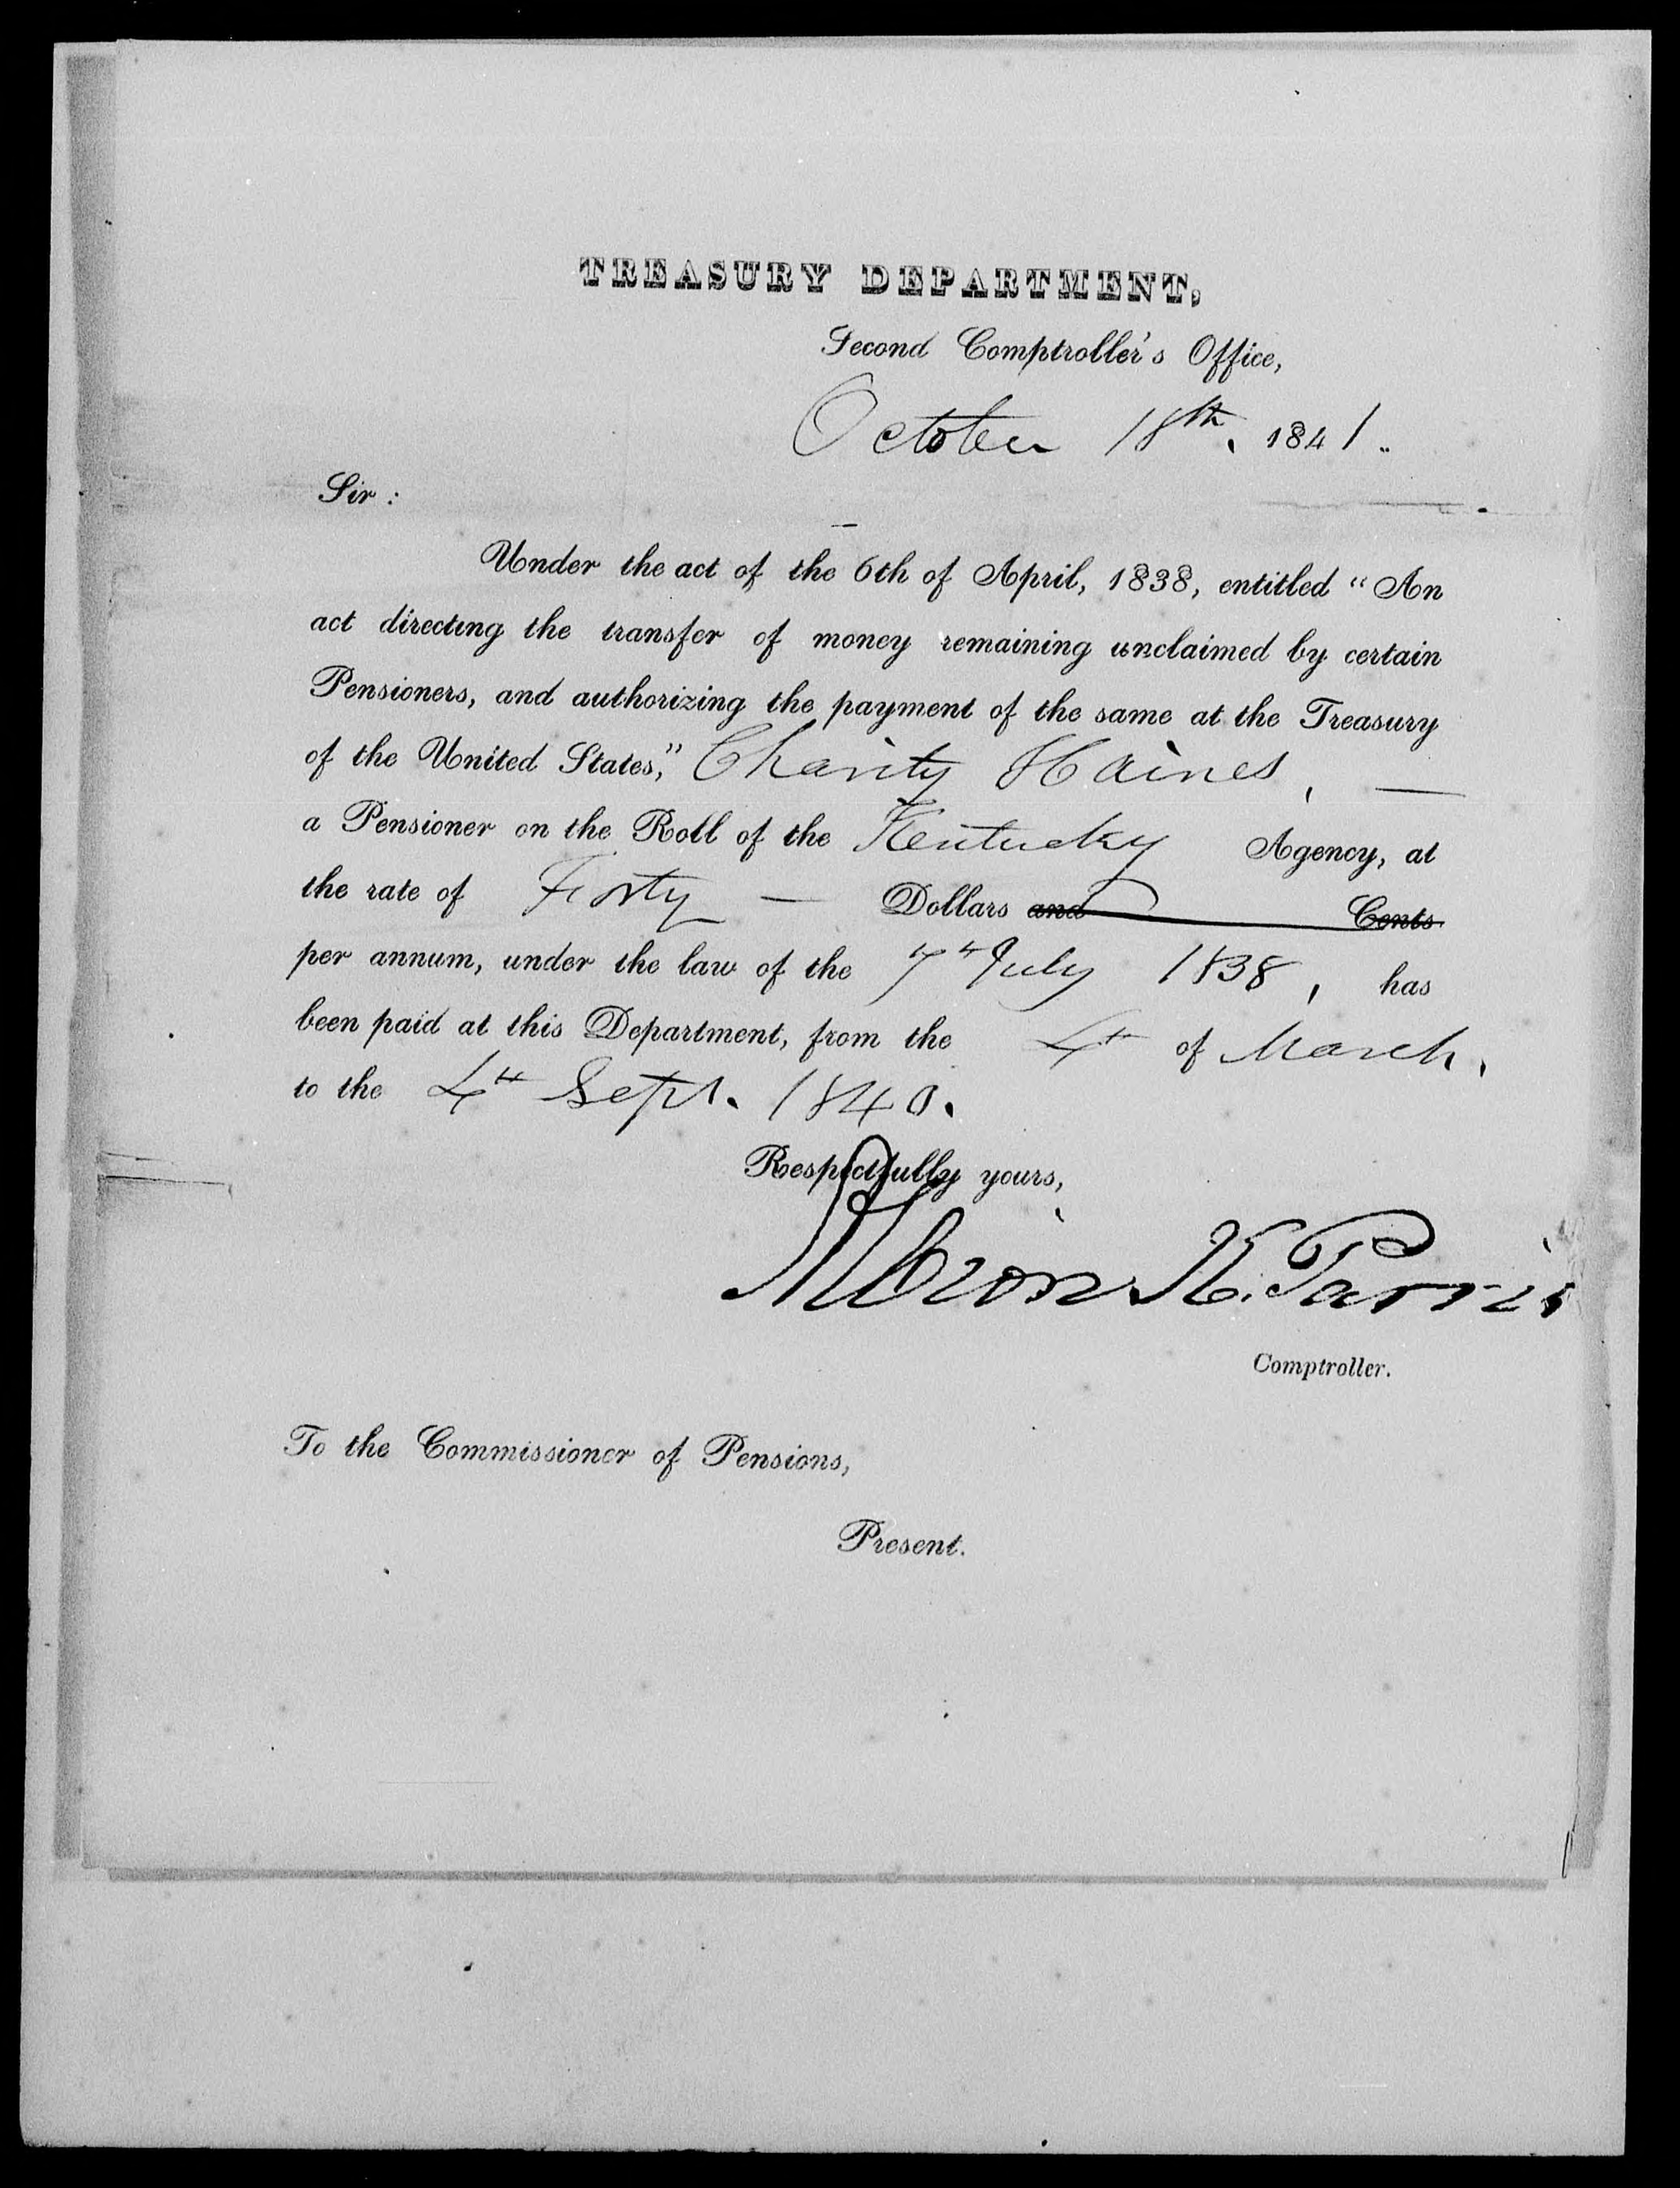Treasury Department,
Second Comptroller's Office,
October 18th, 1841

Sir:

Under the act of the 6th of April, 1838, entitled "An act directing the transfer of money remaining unclaimed by certain Pensioners, and authorizing the payment of the same at the Treasury of the United States," Charity Haines, a Pensioner on the Roll of the Kentucky Agency, at the rate of Forty Dollars and no Cents per annum, under the law of the 7th July 1838, has been paid at this Department, from the 4th of March, to the 4th Sept. 1840.
                        Respectfully yours,
                        Albion K Parris
                                Comptroller.

To the Commissioner of Pensions,
                             Present.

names: Albion K Parris, Charity Haines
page: 23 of 34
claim: widow's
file: W. 8897, Evan Haines, Ga